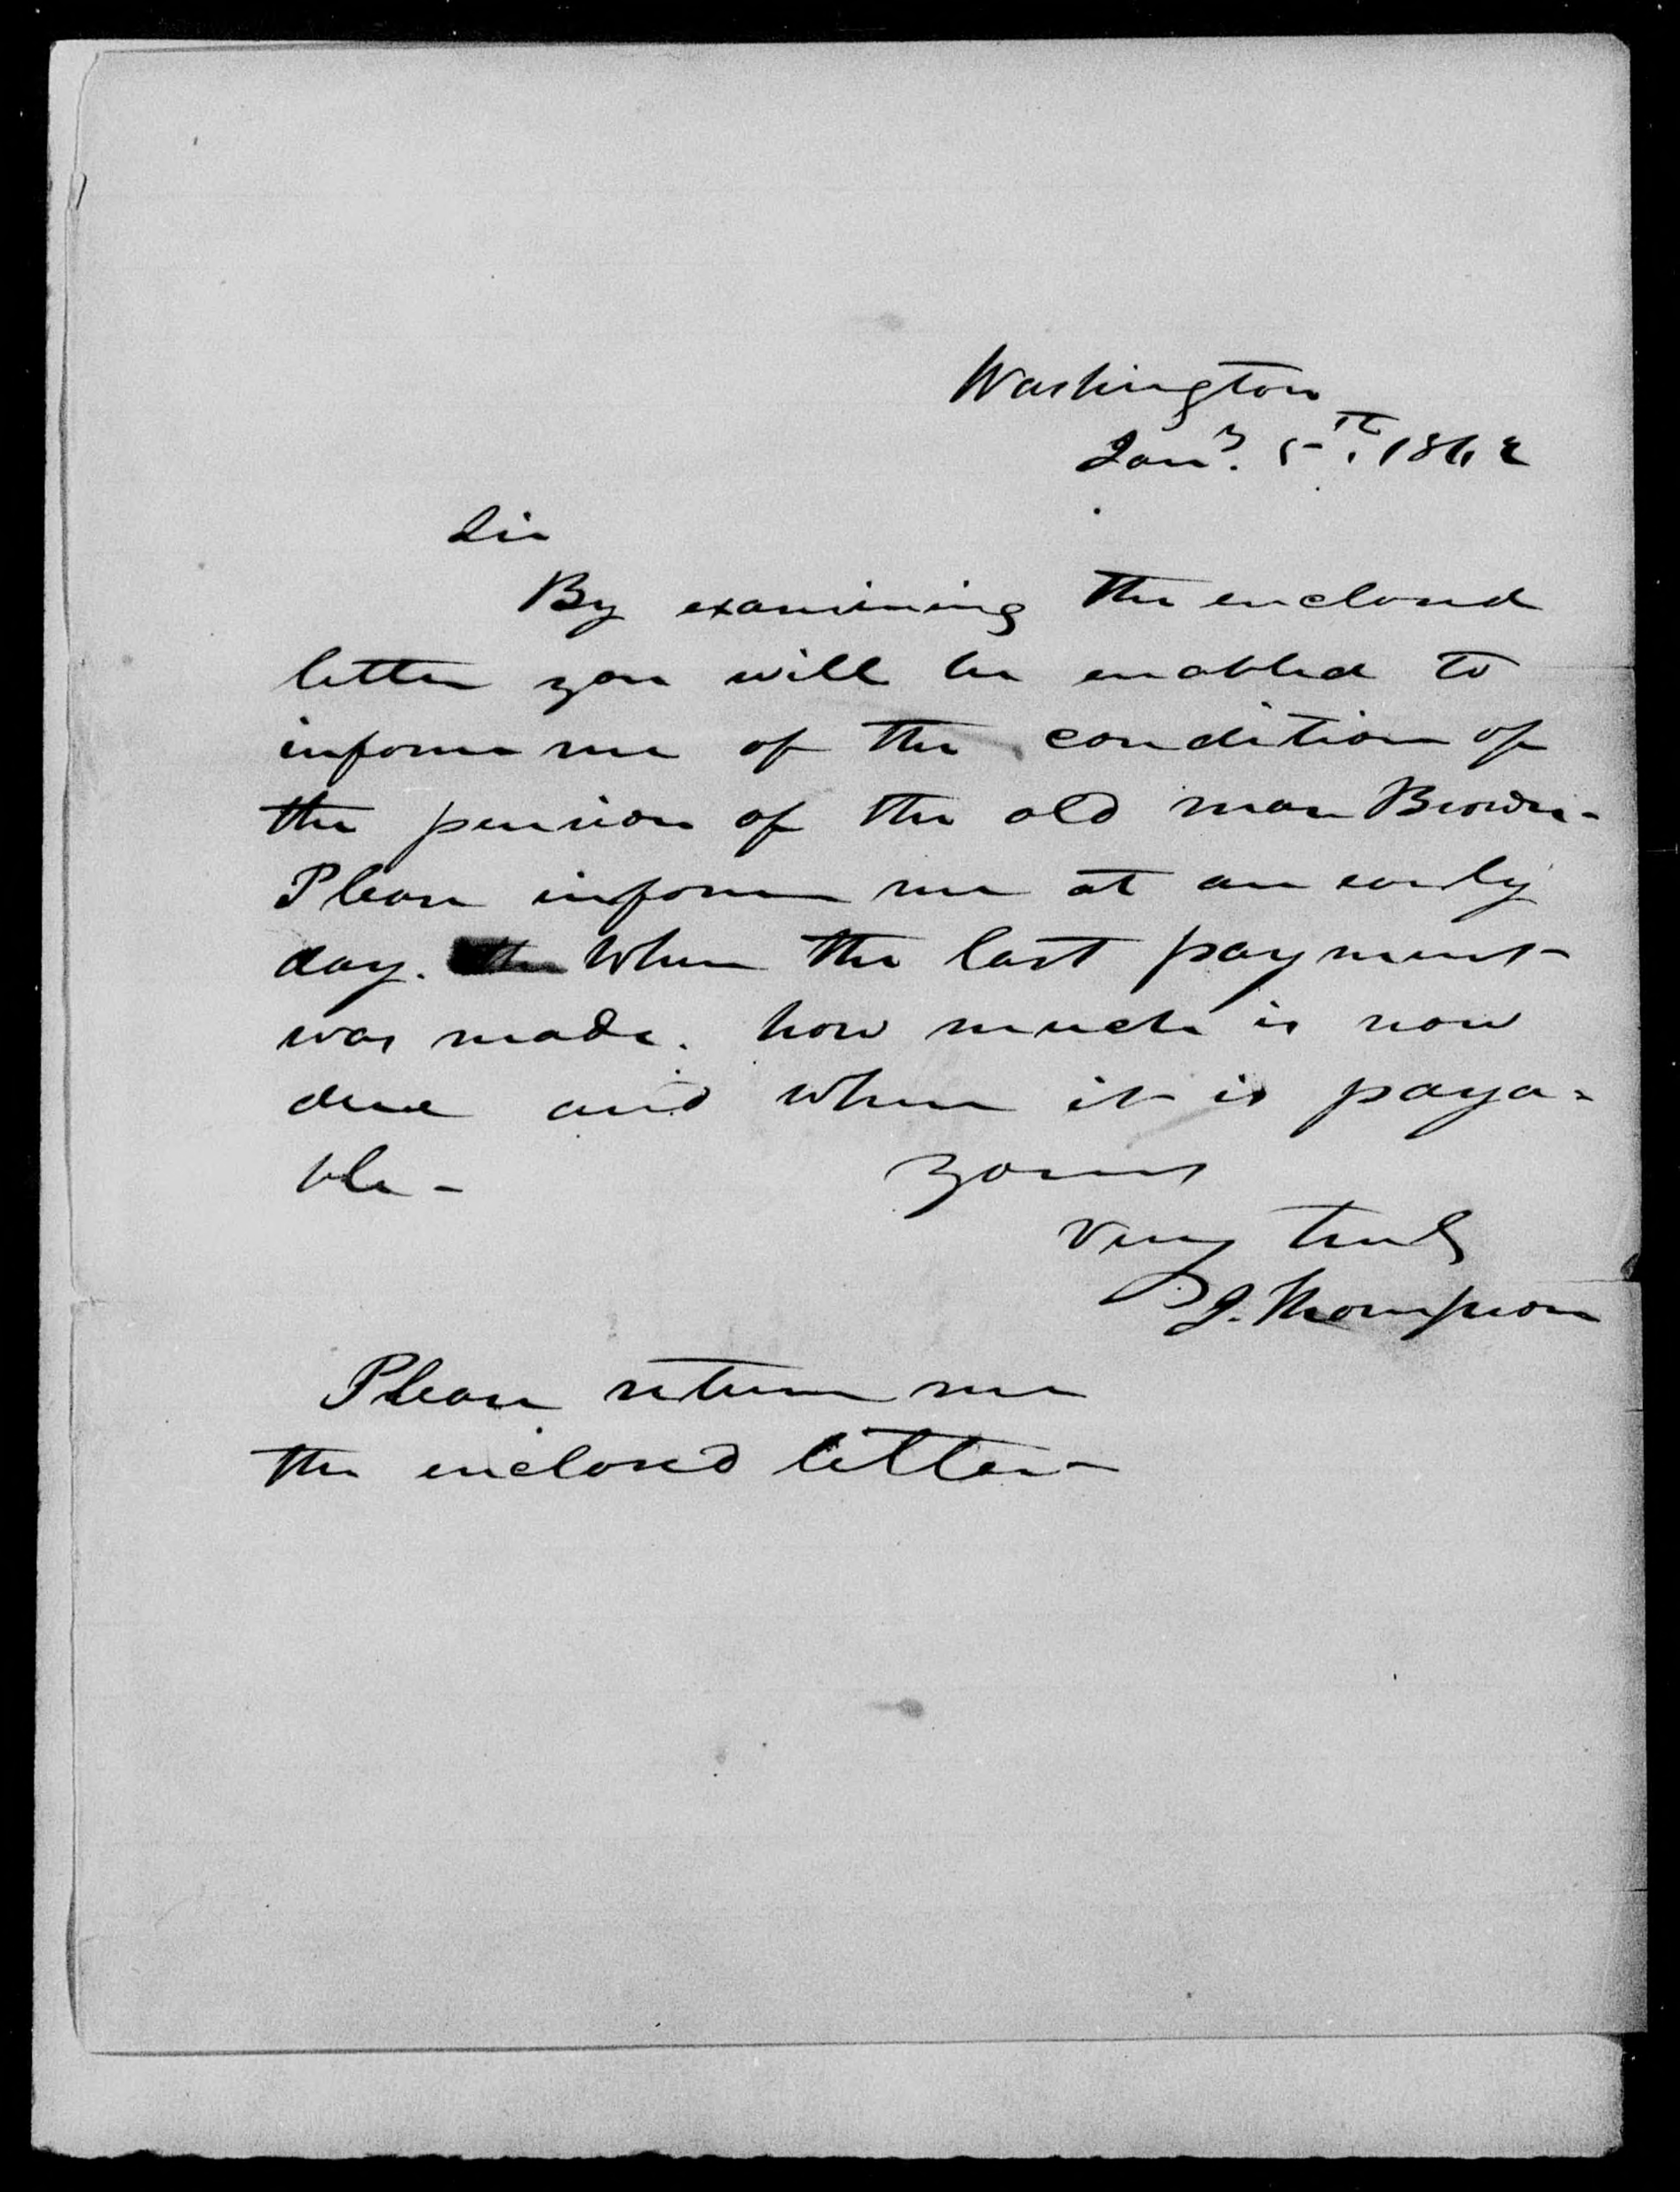Washington
Jan. 5th, 1842
Sir
By examining the enclosed
letter you will be enabled to
inform me of the condition of
the pension of the old man Brown.
Please inform me at an early
day when the last payment
was made, how much is now
due and when it is payable.
Yours
Very truly
J. Thompson

Please to me the enclosed letter.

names: Brown, J Thompson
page: 80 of 85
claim: widow's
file: W. 5,906, John Brown, S.C.